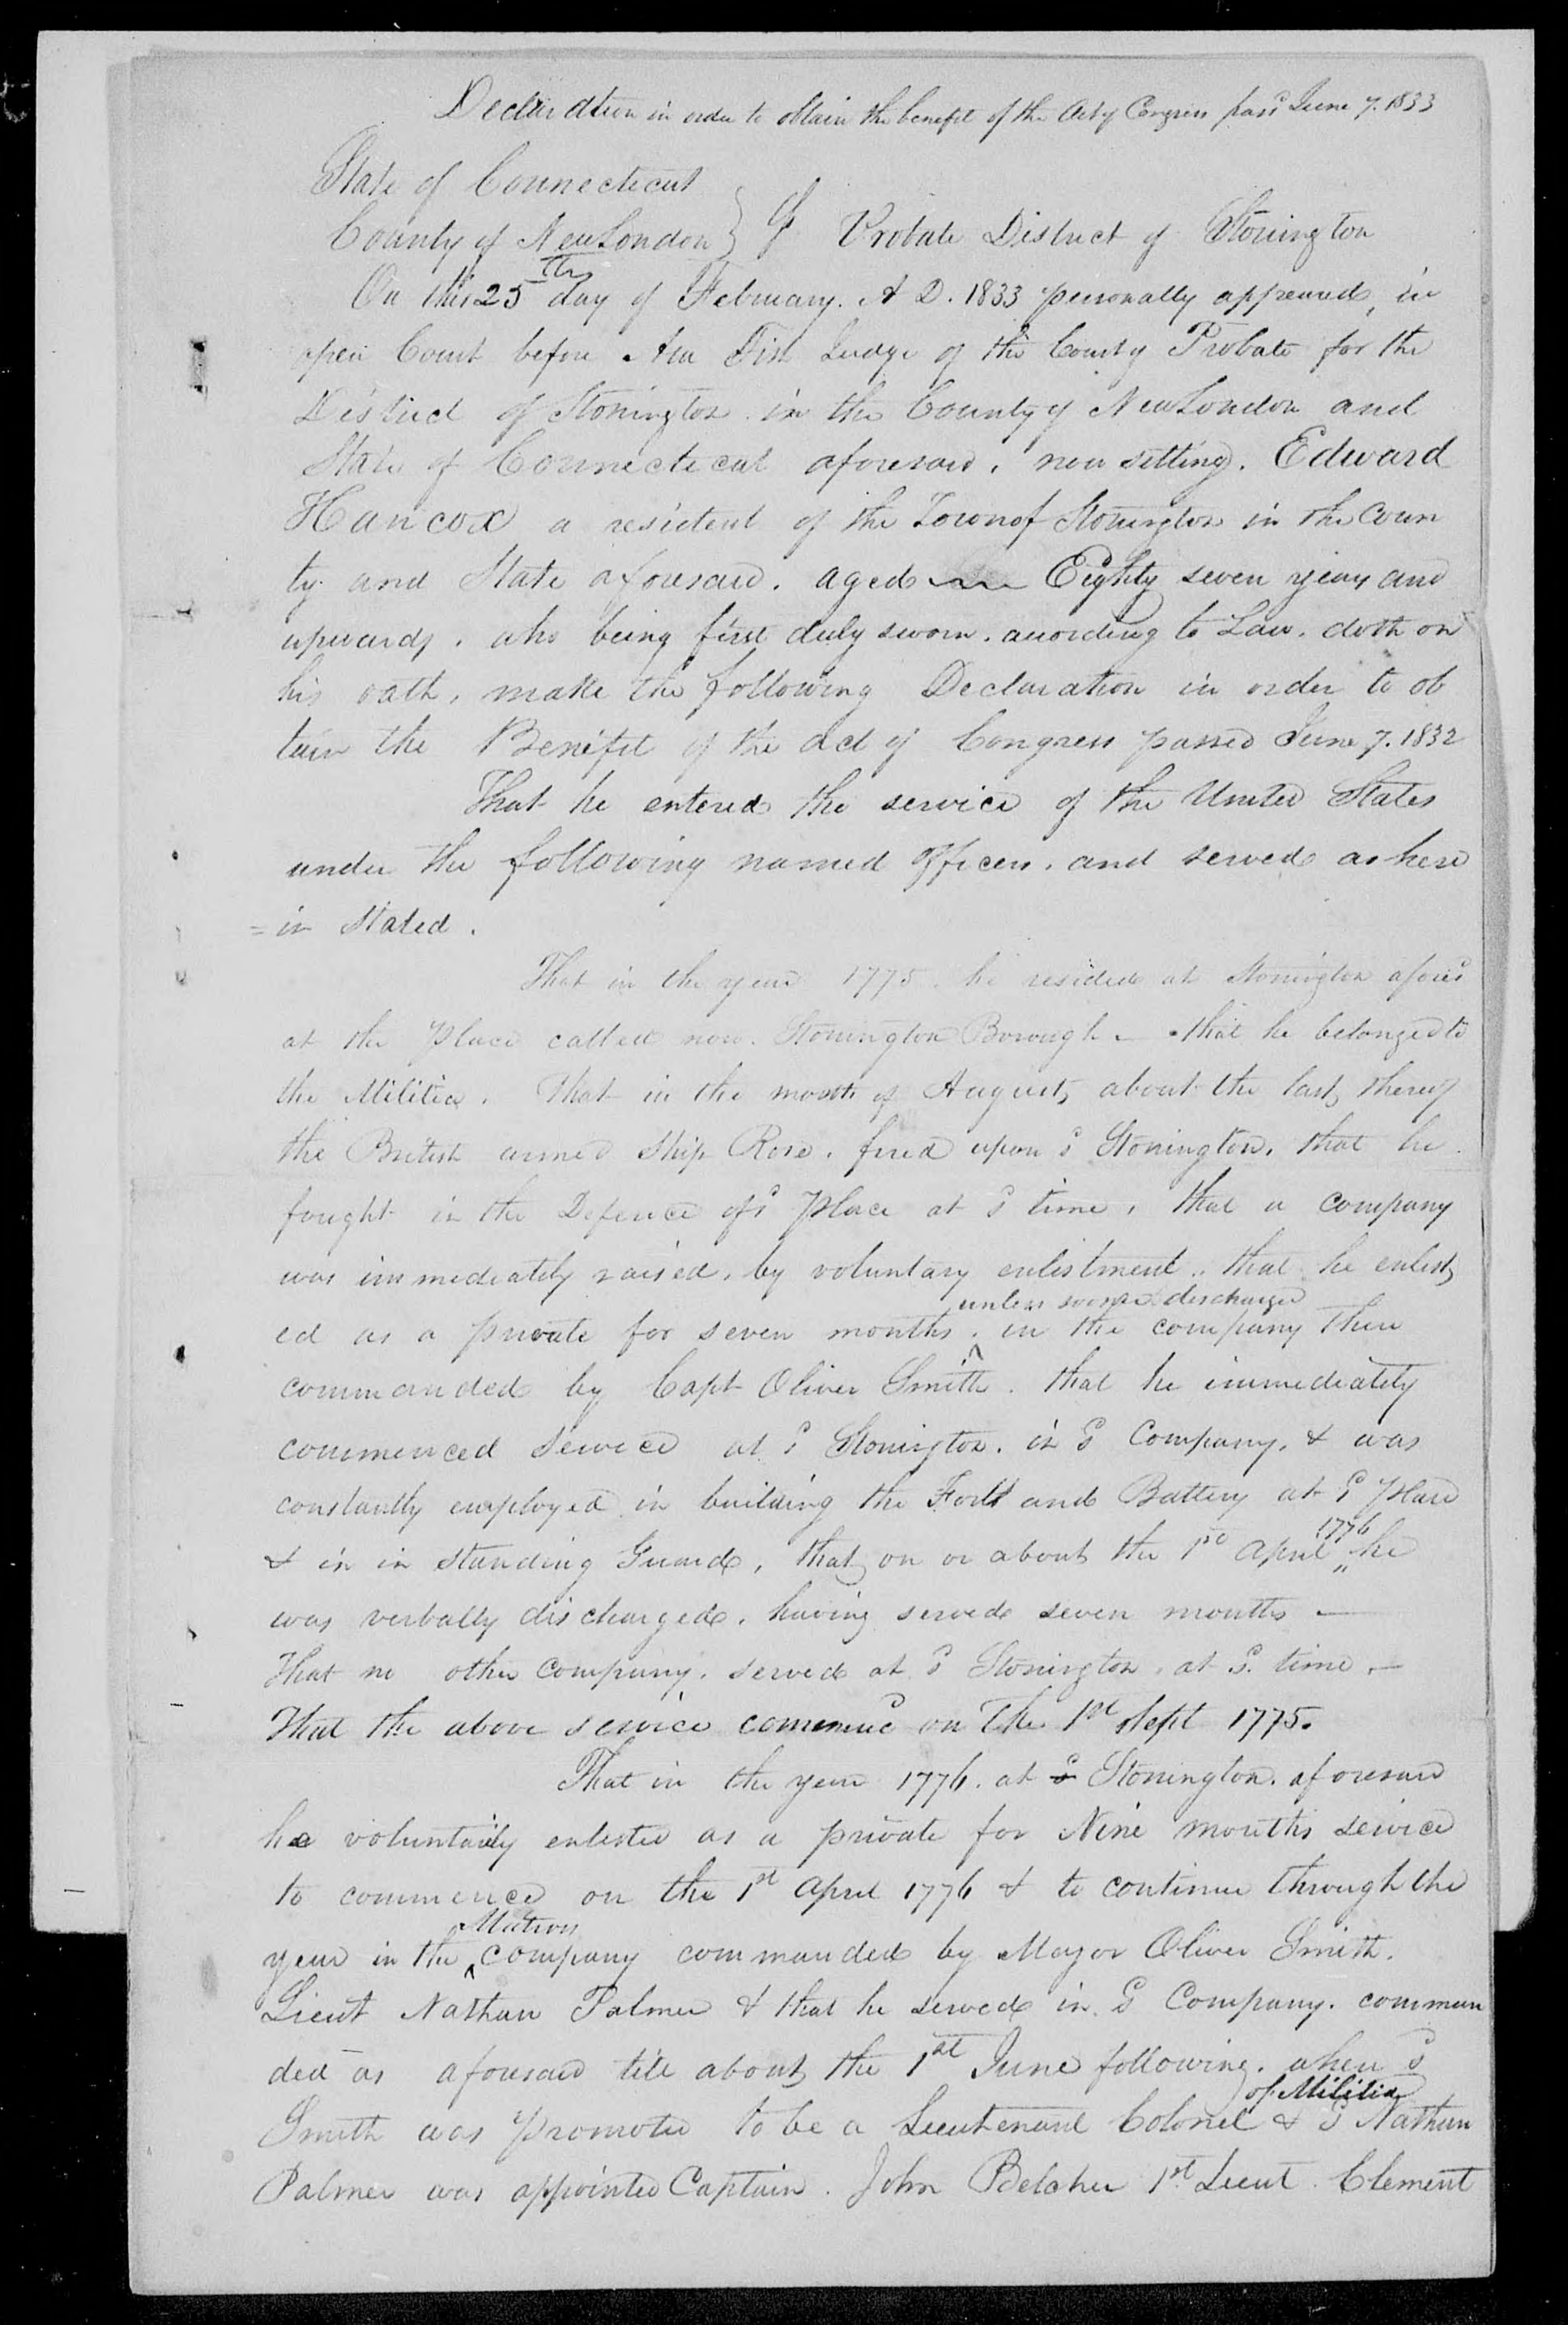Declaration in order to obtain the benefit of the Act of Congress passed June 7 1832
State of Connecticut
County of New London Js.

Probate District of Stonington
On this 25th day of February AD. 1833 personally appeared, in open Court before the Dist Judge of the County Probate for the
District of Stonington in the County of New London and State of Connecticut aforesaid, now sitting, Edward Hancox a resident of the Town of Stonington in the County and State aforesaid, aged Eighty seven years and upwards, who being first duly sworn, according to Law, doth on
his oath, make the following declaration in order to obtain the benefit of the act of Congress passed June 7. 1832
That he entered the service of the United States
under the following named officers, and served as here in Stated
That in the year 1775, he resided at Stonington aforesaid at the place called now Stonington Borough. that he belonged to the Militia. That in the month of August, about the last, thereof
the British armed Ship Rose, fired upon Stonington, that he fought in the defence of place at a time, that a company
was immediately raised, by voluntary enlistment, that he enlisted as a private for seven months, unless some discharged, in the company then
commanded by Capt Oliver Smith. that he immediately commenced service at Stonington, in sd Company, & was constantly employed in building the Fort and Battery at sd. place & in in standing guard.  That on or about the 1st April 1776 he was verbally discharged, having served seven months. That no other company, served at sd. Stonington, at sd time. That the above service commenced on the 1st Sept 1775.
That in the year 1776 at Stonington aforesaid
he voluntarily enlisted as a private for Nine months service to commence on the 1st April 1776 & to continue through the year in the  Matron company commanded by Major Oliver Smith, Lieut Nathan Palmer & that he served in sd Company commanded as aforesaid till about the 1st June following, when sd. Smith was promoted to be a Lieutenant Colonel of Militia & Nathan Palmer was appointed Captain. John Belcher 1st Lieut. Clement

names: Clement, Nathan Smith, Nathan Palmer, Smith, Oliver Smith, Oliver Smith, John Belcher, Edward Hancock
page: 3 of 26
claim: survivor's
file: S. 16843, Edward Hancox, Conn.